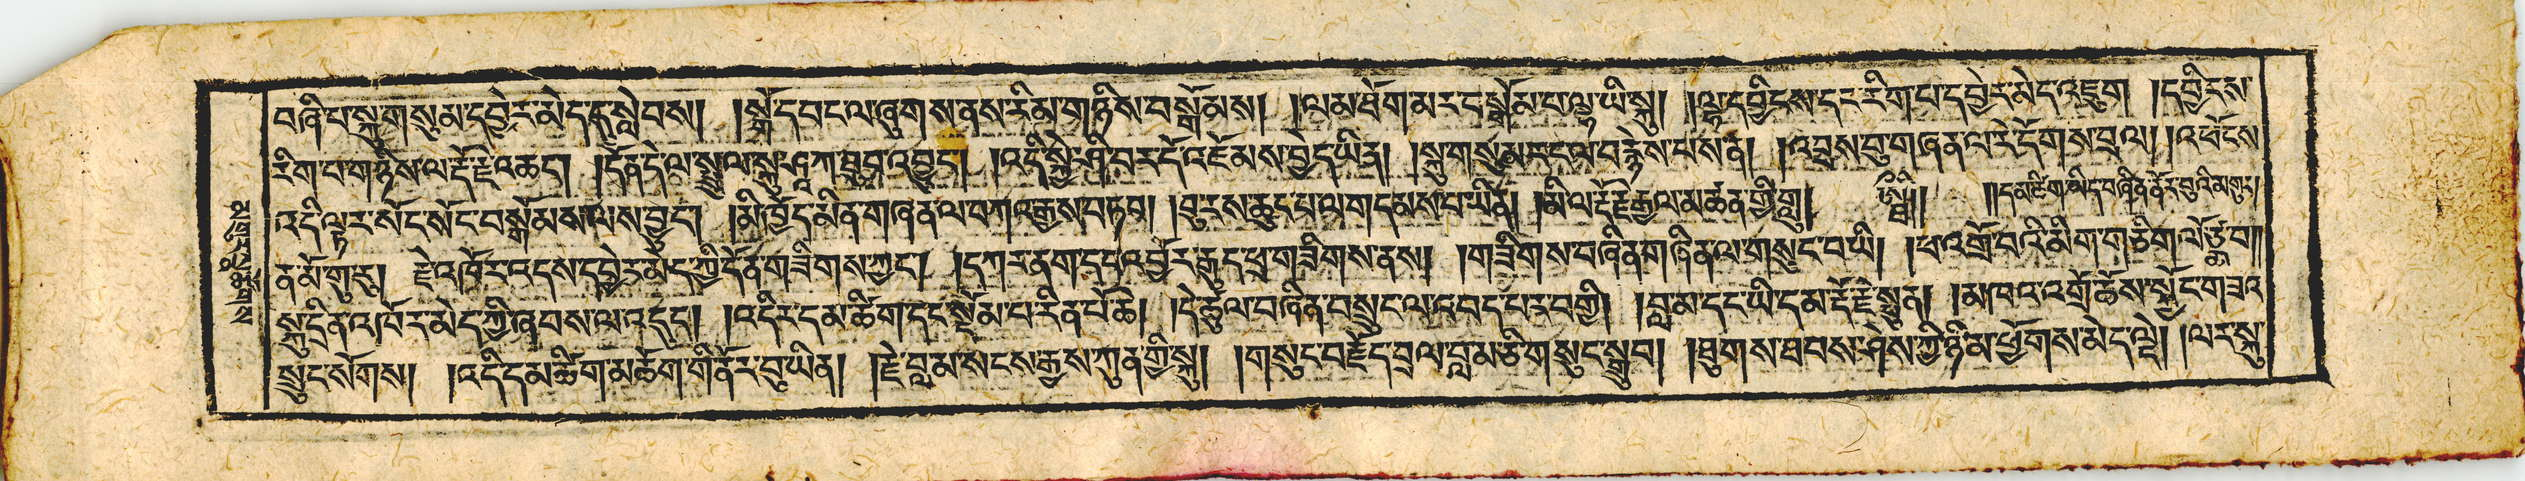བཞི་པ་སྐུ་གསུམ་དབྱེར་མེད་དུ་སླེབས། །སྒོ་དབང་ལ་ཞུགས་ནས་རིམ་གཉིས་བསྒོམས། །ལམ་ཐོག་མར་བསྒོམ་པ་ལྷ་ཡི་སྐུ། །ལྷ་དབྱིངས་དང་རིག་པ་དབྱེར་མེད་འཇུག །དབྱིངས་
རིག་པ་གཉིས་ལ་རྡོ་རྗེ་འཆང་། །དོན་དེ་ལ་སྤྲུལ་སྐུ་ཤཱཀ་ཐུབ་འབྱུང་། །འདི་སྐྱེ་ཤི་བར་དོ་འཇོམས་བྱེད་ཡིན། །སྐུ་གསུམ་རང་ལ་བརྙེས་པས་ན། །འབྲས་བུ་གཞན་ལ་རེ་དོགས་བྲལ། །འཕོངས་
འདི་ལྟར་སོང་སོང་བསྒོམས་ལས་བྱུང་། །མི་ཁྱོད་མིན་གཞན་ལ་བཀའ་རྒྱས་བཏབ། །བུ་རས་ཆུང་པ་ལ་གདམས་པ་ཡིན། །མི་ལ་རྡོ་རྗེ་རྒྱལ་མཚན་གྱི་གླུ།། ཨྠྀ། །༼དམ་ཚིག་ཡིད་བཞིན་ནོར་བུའི་མགུར།
༽ན་མོ་གུ་རུ། རྗེ་འཁོར་འདས་དབྱེར་མེད་ཀྱི་དོན་གཟིགས་ཀྱང་། །དཀར་ནག་དང་འབྱར་རྒུད་ཕྲ་གཟིགས་ནས། །གཟིགས་བཞིན་གཞིན་ལ་གསུང་བ་ཡི། །ཕ་འ་གྲོ་བའི་མིག་གཅིག་ལོ་ཙཱ་བ། 
སྐུ་དྲིན་འཁོར་མེད་ཀྱི་ཞབས་ལ་འདུད། །འདིར་དམ་ཚིག་དང་སྡོམ་པ་རིན་པོ་ཆེ། །དེ་ཚུལ་བཞིན་བསྲུང་ལ་འབད་པར་བགྱི། །བླ་མ་དང་ཡི་དམ་རྡོ་རྗེ་སྤུན། །མཁའ་འགྲོ་ཆོས་སྐྱོང་གཟའ་
སྲུང་སོགས། །འདི་དམ་ཚིག་མཆོག་གི་ནོར་བུ་ཡིན། །རྗེ་བླ་མ་སངས་རྒྱས་ཀུན་གྱི་སྐུ། །གསུང་བརྗོད་བྲལ་བླ་མ་ཅི་གསུང་སྒྲུབ། །ཐུགས་ཐབས་ཤེས་ཀྱི་ཉི་མ་ཕྱོགས་མེད་ལྡེ། །ལར་སྐུ་